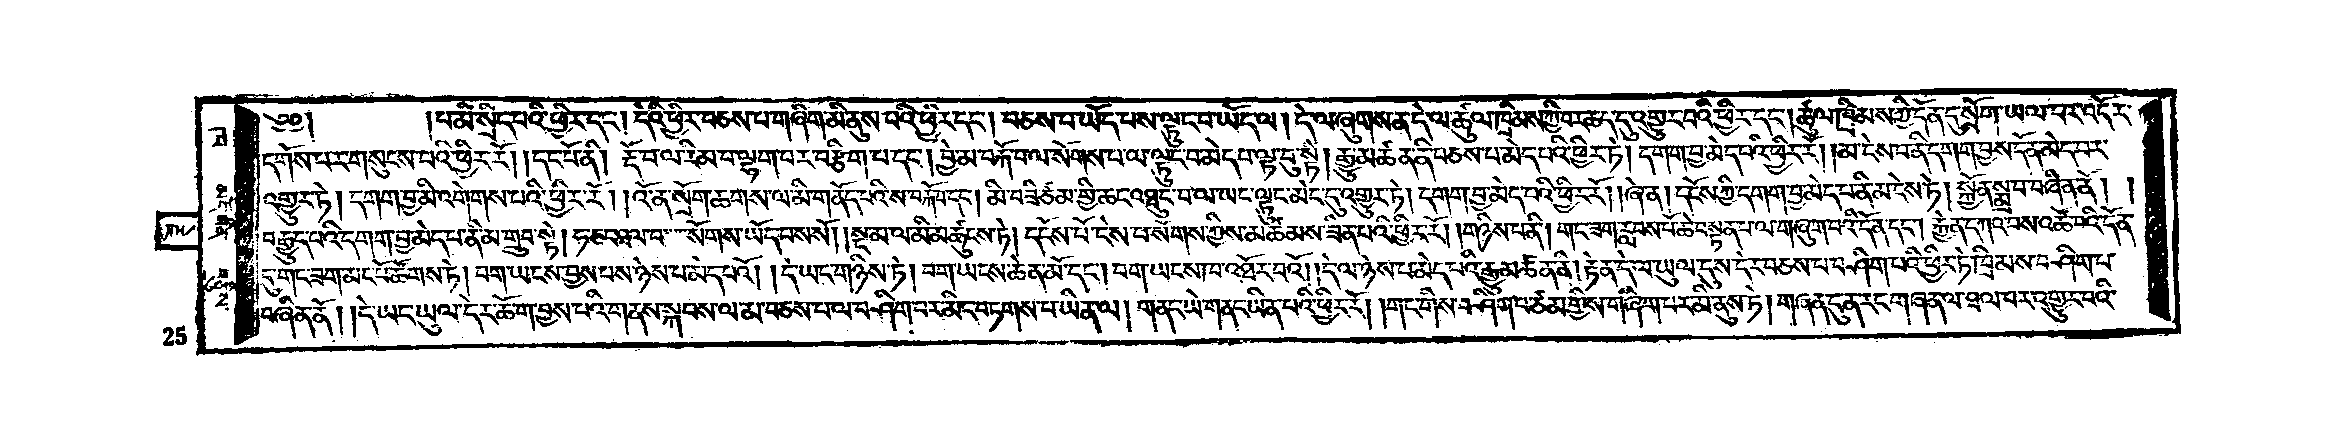༄༅། །པ་མི་སྲིད་པའི་ཕྱིར་དང་། དེའི་ཕྱིར་བཅས་པ་གཞིག་མི་ནུས་པའི་ཕྱིར་དང་། བཅས་པ་ཡོད་པས་ལྟུང་བ་ཡོད་ལ། དེ་ལ་ཞུགས་ན་དེ་ལ་ཚུལ་ཁྲིམས་ཀྱི་བར་ཆད་དུ་འགྱུར་བའི་ཕྱིར་དང་། ཚུལ་ཁྲིམས་ཀྱི་དོན་དུ་སྲེག་ཡལ་བར་འདོར་
དགོས་པར་གསུངས་པའི་ཕྱིར་རོ། །དང་པོ་ནི། རྡོ་བ་ལ་རིམ་པ་ལྷག་པར་བརྩིག་པ་དང་། བྱེ་མ་བརྐོ་བ་ལ་སོགས་པ་ལ་ལྟུང་བ་མེད་པ་ལྟ་བུ་སྟེ། རྒྱུ་མཚན་ནི་བཅས་པ་མེད་པའི་ཕྱིར་ཏེ། དགག་བྱ་མེད་པའི་ཕྱིར་རོ། །མ་ངེས་པ་ནི་དགག་བྱས་དོན་མེད་པར་
འགྱུར་ཏེ། དགག་བྱ་མི་འགེགས་པའི་ཕྱིར་རོ། །འོ་ན་སྲོག་ཆགས་ལ་མི་གནོད་པའི་ས་བརྐོ་བ་དང་། མི་བཟི་ཙམ་གྱི་ཆང་འཐུང་བ་ལ་ཡང་ལྟུང་མེད་དུ་འགྱུར་ཏེ། དགག་བྱ་མེད་པའི་ཕྱིར་རོ། །ཞེ་ན། དངོས་ཀྱི་དགག་བྱ་མེད་པ་ནི་མ་ངེས་ཏེ། སྐྱོན་སྨྲ་བ་བཞིན་ནོ། །
བརྒྱུད་པའི་དགག་བྱ་མེད་པ་ནི་མ་གྲུབ་སྟེ། ཧ་ཅང་ཐལ་བ་སོགས་ཡོད་པས་སོ། །སྔ་མ་ལ་མི་མཚུངས་ཏེ། དངོས་པོ་ངེས་པ་སོགས་ཀྱིས་མཚམས་ཟིན་པའི་ཕྱིར་རོ། །གཉིས་པ་ནི། གང་ཟག་རླབས་པོ་ཆེ་བསྟན་པ་ལ་གཞུག་པའི་དོན་དང་། རྐྱེན་དཀའ་བས་འཚེ་བའི་དོན་
དུ་གང་ཟག་མང་པོ་ཚོགས་ཏེ། བག་ཡངས་བྱས་པས་ཉེས་པ་མེད་པའོ། །དེ་ཡང་གཉིས་ཏེ། བག་ཡངས་ཆེན་མོ་དང་། བག་ཡངས་ཁ་འཐོར་བའོ། །དེ་ལ་ཉེས་པ་མེད་པའི་རྒྱུ་མཚན་ནི། རྟེན་དེ་ལ་ཡུལ་དུས་དེར་བཅས་པ་བཤིག་པའི་ཕྱིར་ཏེ་ཁྲིམས་བཤིག་པ་
བཞིན་ནོ། །དེ་ཡང་ཡུལ་དེར་ཆོ་ག་བྱས་པའི་གནས་སྐབས་ལ་མ་བཅས་པ་ལ་བཤིག་པར་མིང་བཏགས་པ་ཡིན་ལ། གནང་ཡེ་གནང་ཡིན་པའི་ཕྱིར་རོ། །གང་གིས་བཤིག་པ་ཙམ་གྱིས་གཞིག་པར་མི་ནུས་ཏེ། གཞན་དུ་ན་རང་གཞན་ལ་ཐལ་བར་འགྱུར་བའི་